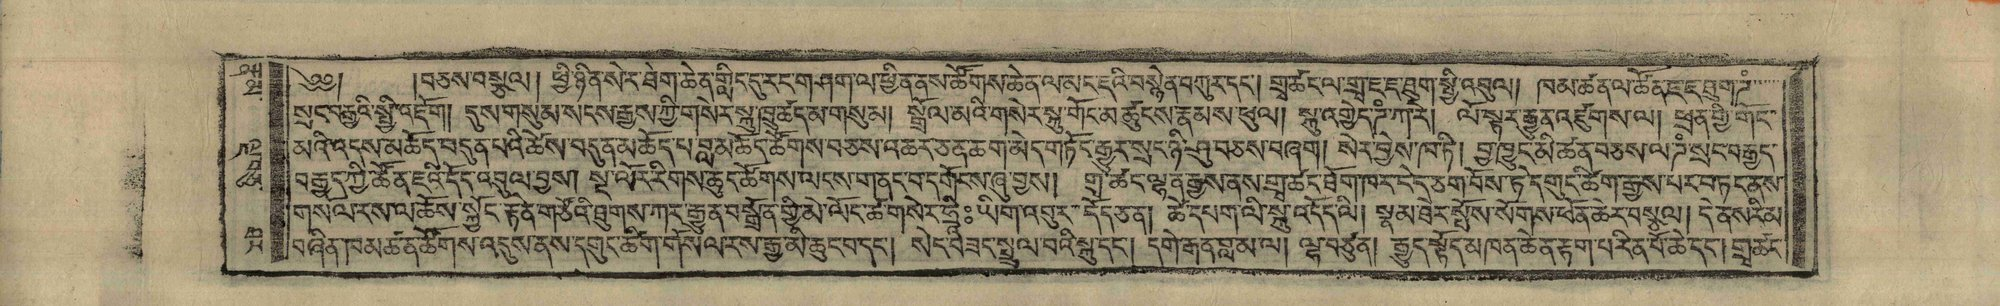༄༅། །བཅས་བསྩལ། ཕྱི་ཉིན་སེར་ཐེག་ཆེན་གླིང་དུ་རང་གཤག་ལ་ཕྱིན་ནས་ཚོགས་ཆེན་ལ་མང་ཇའི་བསྙེན་བཀུར་དང་། གྲྭ་ཚང་ལ་གྲྭ་ཇ་ཇ་ཐུག་སྤྱི་འབུལ། ཁམ་ཚན་ལ་ཚོན་ཇ་ཇ་ཐུག་ཌཾ་
སྲང་བརྒྱའི་སྤྱི་འཇོག །དུས་གསུམ་སངས་རྒྱས་ཀྱི་གསེར་སྐུ་ཁྲུ་ཚད་མ་གསུམ། སྒྲོལ་མའི་གསེར་སྐུ་གོང་མཚུངས་རྣམས་ཕུལ། སྐུ་འགྱེད་ཌཾ་ཀ་རེ། ལོ་སྟར་རྒྱུན་འཛུགས་ལ། ཕྲན་གྱི་གོང་
མའི་འདས་མཆོད་བདུན་པའི་ཚེས་བདུན་མཆོད་པ་བླ་མཆོད་ཚོགས་བཅས་འཆར་ཅན་ཆག་མེད་གཏོང་རྒྱུར་སྲང་ཉི་ཤུ་བཅས་བཞག །སེར་བྱེས་ཁ་ཏི། བྱ་ཁྱུང་མི་ཚན་བཅས་ལ་ཌཾ་སྲང་བརྒྱད་
བརྒྱད་ཀྱི་ཚོན་ཇའི་དོད་འབུལ་བྱས། སྔ་ལོར་རིགས་ཆུང་ཚོགས་ལངས་གནང་བ་དགོངས་ཞུ་བྱས། གྲྭ་ཚང་ལྷན་རྒྱས་ནས་གྲྭ་ཚང་ཐོག་ཁར་ངེད་ཅག་བོས་ཏེ་དགུང་ཚིག་རྒྱས་པར་བཏང་ནས་
གསོལ་རས་ལ་ཆོས་སྐྱོང་རྟེན་གཙོའི་ཐུགས་ཀར་རྒྱུན་བསྒྲོན་གྱི་མེ་ལོང་ཚ་གསེར་ཧྲཱིཿ ཡིག་འབུར་དོད་ཅན། ཚེ་དཔག་ལི་སྐུ་འདོད་ལི། སྣམ་ཐེར་སྤོས་སོགས་ཕོན་ཆེར་བསྩལ། དེ་ནས་རིམ་
བཞིན་ཁམ་ཚན་ཚོགས་འདུས་ནས་དགུང་ཚིག་གསོལ་རས་རྒྱ་མི་ཆུང་བ་དང་། སེང་བཟང་སྤྲུལ་བའི་སྐུ་དང་། དགེ་རྒན་བླ་མ་ལ། ལྷ་བཙུན། རྒྱུད་སྟོད་མཁན་ཆེན་རྟག་པ་རིན་པོ་ཆེ་དང་། གྲྭ་ཚང་